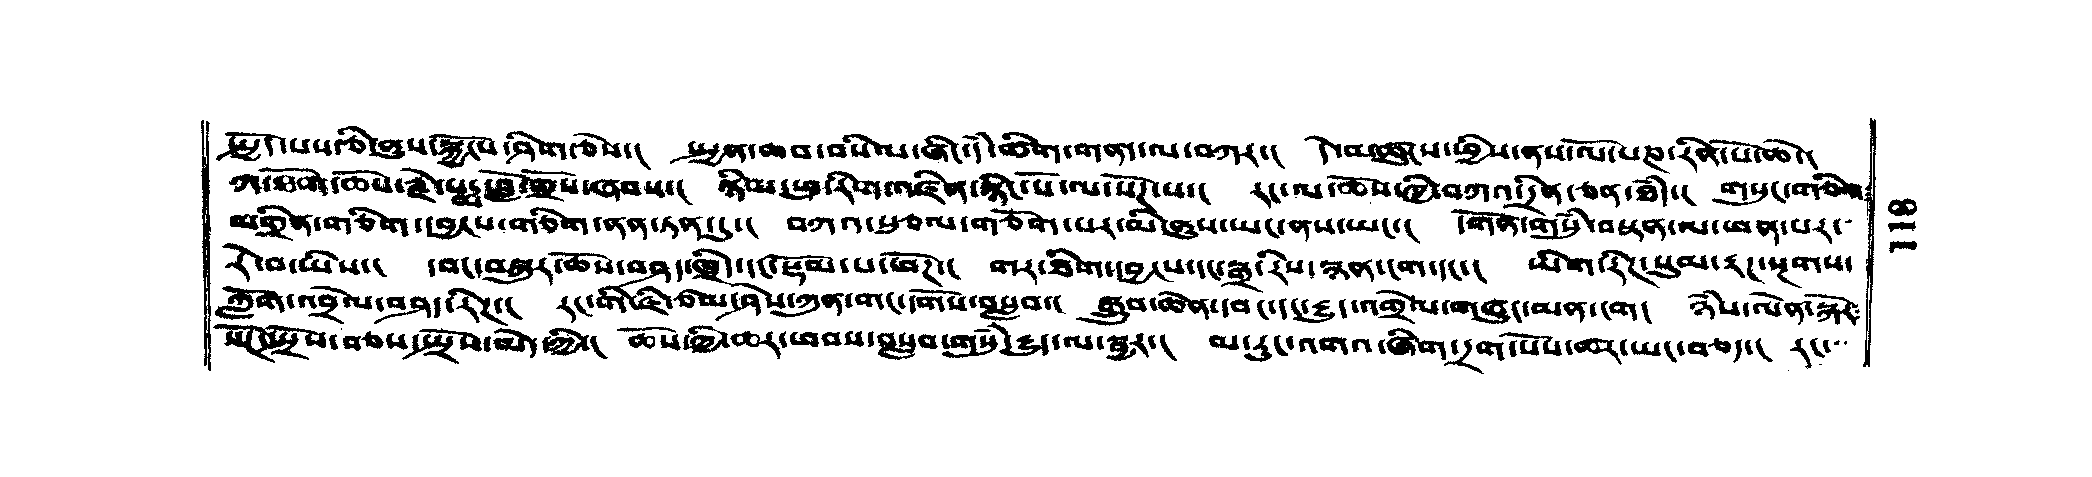སྤྱོད་པས་ཅི་ནུས་སྐྱོངས་ཤིག་ཅེས། །སྤྱན་ཆབ་བསིལ་ཞིང་དམ་ཚིག་གནད་ལ་བཀར། །དེ་མཚུངས་ཕྱིས་ནས་ལོ་པཎ་རིན་པོ་ཆེ། །
ཀཿཐོག་ཆོས་རྗེ་པདྨ་བློ་གྲོས་ཞབས། །སྙིམ་ཕུ་རིག་འཛིན་སྙིང་པོ་ལ་སོགས་པ། །རང་ལ་ཆོས་ཀྱི་བཀའ་དྲིན་ཅན་ཐམས་ཅད། །གསུང་གཅིག་
མགྲིན་གཅིག་དབྱངས་གཅིག་ནན་ཏན་དུ། །བཀའ་སྩལ་གཅོག་པར་མ་ནུས་ཡང་ནས་ཡང་། །དགོན་གསུམ་བསྟན་ལ་ཕན་པར་
རེ་བ་ཡིས། །དབང་བསྐུར་ཆོས་བཤད་ཁྲིད་དང་སྡོམ་པ་ཕོགས། །གར་ཐིག་དབྱངས་དང་སྒྲ་རིས་སྙན་ངག་དང་། །ཡིག་རིགས་སུམ་རྟགས་སྔགས་
ཀློག་འབྲེལ་བཤད་རིགས། །རང་གི་ཇི་ཙམ་ཤེས་ཀུན་གང་དགོས་བསླབ། །སྒྲུབ་ཆེན་དབང་དང་རྒྱུད་འགྲེལ་གཞུང་མན་ངག།ཉམས་ལེན་སྐོར་
སོགས་སྤྲོས་བཅས་སྤྲོས་མེད་ཀྱི། །ཆོས་ཀྱི་ཆར་ཕབས་བསླབ་གསུམ་རྒྱུད་ལ་སྦྱར། །མ་རུངས་འགའ་ཞིག་དྲག་པོས་ཚར་ཡང་བཅད། །རང་